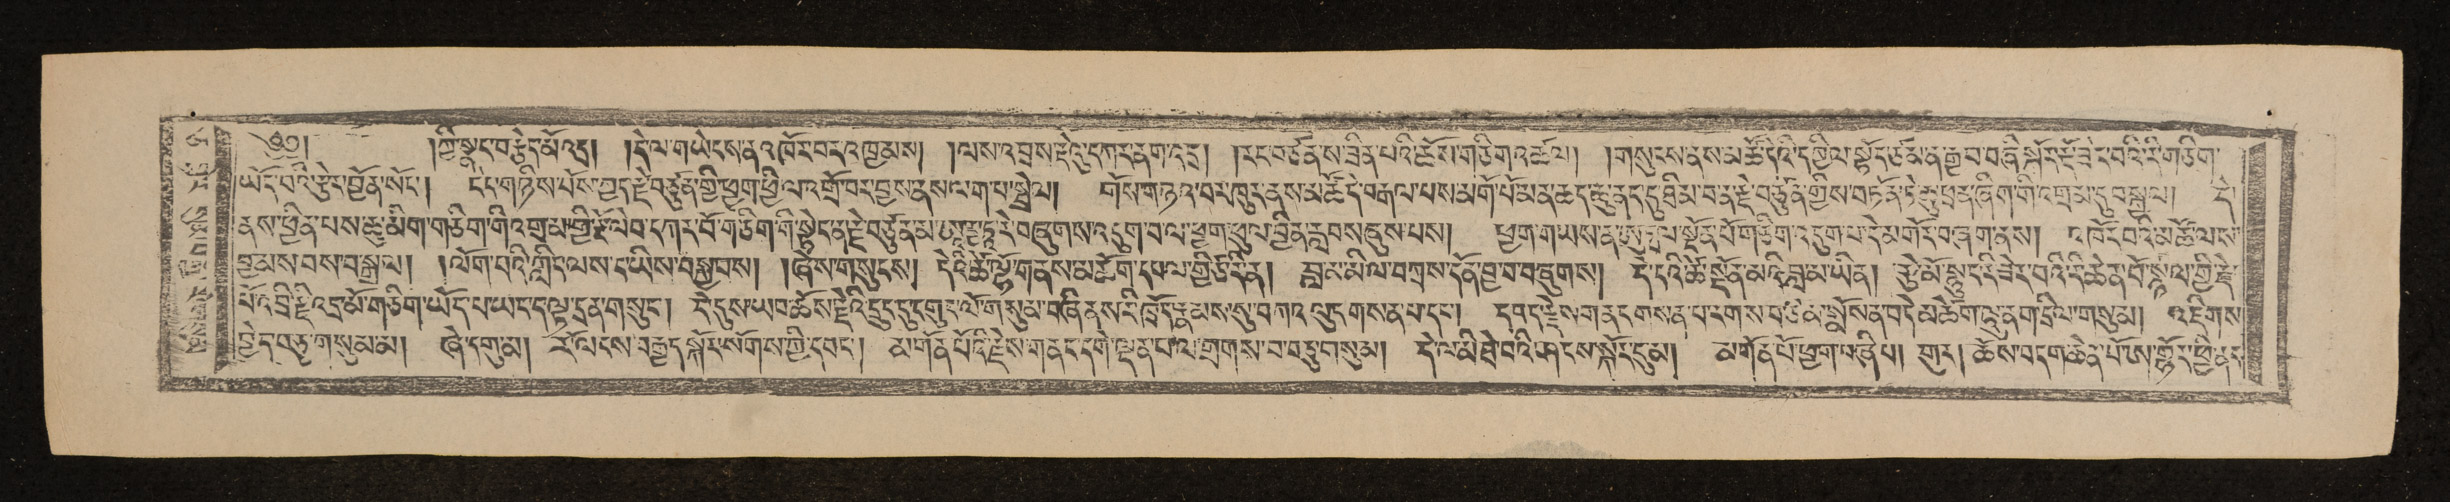༄༅། །ཀྱི་སྣང་བརྩེད་མོ་འདྲ། །དེ་ལ་གཡེངས་ན་འཁོར་བར་འཁྱམས། །ལས་འབྲས་རྡེའུ་དཀར་ནག་འདྲ། །རང་བཙན་ས་ཟིན་པའི་ཆོས་གཅིག་འཚལ། །གསུངས་ནས་མཚོ་དེའི་དཀྱིལ་སྟོང་ཙམ་ན་རྒྱབ་བཞི་སྐོར་རྡོ་ཟེར་བའི་རི་གཅིག་
ཡོད་པའི་རྩེར་བྱོན་སོང་། ངེད་གཉིས་པོས་ཀྱང་རྗེ་བཙུན་གྱི་ཕྱག་ཕྱི་ལ་འགྲོ་བར་བྱས་ནས་ལག་པ་སྤྲེལ། གོས་གཉའ་བར་ཁུར་ནས་མཚོ་དེ་བརྒལ་བས་མགོ་པོ་མན་ཆད་ཆུ་ནང་དུ་ཐིམ་པ་ན་རྗེ་བཙུན་གྱིས་བཏོན་ཏེ་ཆུ་ཕྲན་ཞིག་གི་འགྲམ་དུ་བསྐྱལ། དེ་
ནས་ཕྱིན་པས་ཆུ་མིག་གཅིག་གི་འགྲམ་གྱི་རྡོ་ལེབ་དཀར་པོ་གཅིག་གི་སྟེང་ན་རྗེ་བཙུན་མ་ཨཱརྱ་ཏཱ་རེ་བཞུགས་འདུག་པ་ལ་ཕྱག་ཕུལ་བྱིན་རླབས་ཞུས་པས། ཕྱག་གཡས་ན་ཨུཏྤལ་སྔོན་པོ་གཅིག་འདུག་པ་དེ་མགོར་བཞག་ནས། འཁོར་བའི་མཚོ་ལས་
བྱམས་པས་བསྒྲལ། །ལོག་པའི་གླིང་ལས་ང་ཡིས་བསྐྱབས། །ཞེས་གསུངས། དེའི་ཚེ་ལྷོ་གནས་མཆོག་དཔལ་གྱི་ཙ་རི་ན། བླ་མ་མི་ལ་བཀྲས་དོན་བྱ་བ་བཞུགས། དེ་ངའི་ཚེ་སྔོན་མའི་བླ་མ་ཡིན། རྩེ་མོ་སྙུང་རི་ཟེར་བའི་རི་ཆེན་པོ་སྙིལ་གྱི་ཇོ་
བོ་འབྲི་རྫི་འདྲ་མོ་གཅིག་ཡོད་པ་ཡང་ད་ལྟ་དྲང་གསུང་། དེ་དུས་ཡབ་ཆོས་རྗེའི་དྲུང་དུ་དགུང་ལོ་གསུམ་བཞི་ནས་རི་ཁྲོད་རྣམས་སུ་བཀའ་ལུང་གསན་པ་དང་། དབང་རྗེས་གནང་གསན་པ་རགས་པ་ཙམ་སྨོས་ན་བདེ་མཆོག་ལཱུ་ནག་དྲིལ་གསུམ། འཇིགས་
བྱེད་བཅུ་གསུམ་མ། ཞེ་དགུ་མ། རོ་ལངས་བརྒྱད་སྐོར་སོགས་ཀྱི་དབང་། མགོན་པོའི་རྗེས་གནང་དགེ་ལྡན་པ་ལ་གྲགས་པ་བཅུ་གསུམ། དེ་ལ་མི་ཐེ་བའི་ཤངས་སྐོར་དུ་མ། མགོན་པོ་ཕྱག་བཞི་པ། གུར། ཆོས་བདག་ཆེན་པོ་ཨ་གྷོ་ར་ཕྱི་ནང་